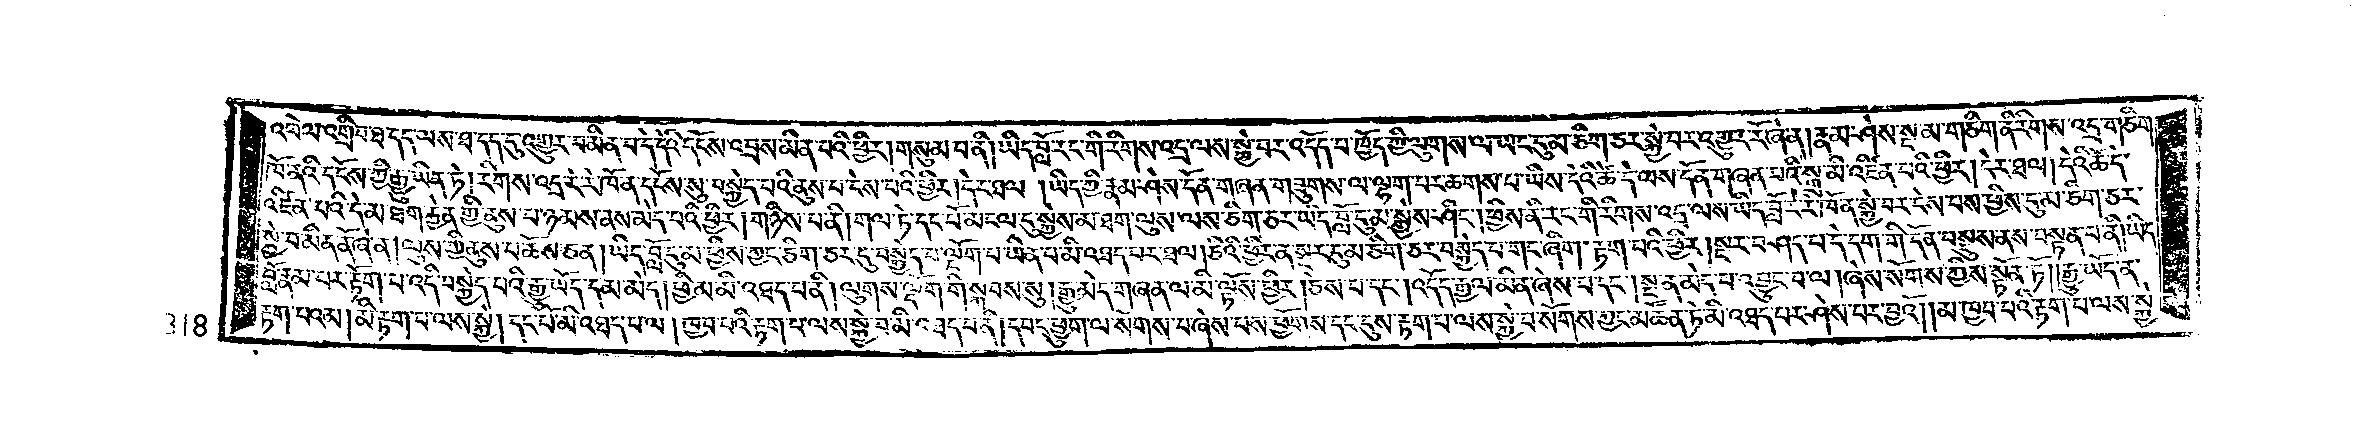འཕེལ་འགྲིབ་ཐ་དད་ལས་ཐ་དད་དུ་འགྱུར་བ་མིན་པ་དེ་དེའི་དངོས་འབྲས་མིན་པའི་ཕྱིར། གསུམ་པ་ནི། ཡིད་བློ་རང་གི་རིགས་འདྲ་ལས་སྐྱེ་བར་འདོད་པ་ཁྱོད་ཀྱི་ལུགས་ལ་ཡང་དུ་མ་ཅིག་ཅར་སྐྱེ་བར་འགྱུར་རོ་ཞེ་ན། རྣམ་ཤེས་སྔ་མ་གཅིག་ནི་རིགས་འདྲ་གཅིག་
ཁོ་ནའི་དངོས་ཀྱི་རྒྱུ་ཡིན་ཏེ། རིགས་འདྲ་རེ་རེ་ཁོ་ན་དངོས་སུ་བསྐྱེད་པའི་ནུས་པ་ངེས་པའི་ཕྱིར། དེར་ཐལ། ཡིད་ཀྱི་རྣམ་ཤེས་དོན་གཞན་གཟུགས་ལ་ལྷག་པར་ཆགས་པ་ཡིས་དེའི་ཚེ་དེ་ལས་དོན་གཞན་པའི་སྒྲ་མི་འཛིན་པའི་ཕྱིར། དེར་ཐལ། དེའི་ཚེ་དེ་
འཛིན་པའི་དེ་མ་ཐག་རྐྱེན་གྱི་ནུས་པ་ཉམས་ནས་མེད་པའི་ཕྱིར། གཉིས་པ་ནི། གལ་ཏེ་དང་པོ་མངལ་དུ་སྐྱེས་མ་ཐག་ལུས་ལས་ཅིག་ཅར་ཡིད་བློ་དུ་མ་སྐྱེས་ཤིང་། ཕྱིས་ནི་རང་གི་རིགས་འདྲ་ལས་ཡིད་བློ་རེ་རེ་ཁོ་ན་སྐྱེ་བར་ངེས་པས་ཕྱིས་དུ་མ་ཅིག་ཅར་
སྐྱེ་བ་མིན་ནོ་ཞེ་ན། ལུས་ཀྱི་ནུས་པ་ཆོས་ཅན། ཡིད་བློ་དུ་མ་ཕྱིས་ཀྱང་ཅིག་ཅར་དུ་བསྐྱེད་པ་ལྡོག་པ་ཡིན་པ་མི་འཐད་པར་ཐལ། ཅིའི་ཕྱིར་ན་སྔར་དུ་མ་ཅིག་ཅར་བསྐྱེད་པ་གང་ཞིག་རྟག་པའི་ཕྱིར། སྔར་བཤད་པ་དེ་དག་གི་དོན་བསྡུས་ནས་བསྟན་པ་ནི། ཡིད་
བློ་རྣམ་པར་རྟོག་པ་འདི་བསྐྱེད་པའི་རྒྱུ་ཡོད་དམ་མེད། ཕྱི་མ་མི་འཐད་པ་ནི། ལུགས་ལྡོག་གི་སྐབས་སུ། རྒྱུ་མེད་གཞན་ལ་མི་ལྟོས་ཕྱིར། ཅེས་པ་དང་། འདོད་རྒྱལ་མིན་ཞེས་པ་དང་། སྦ་ན་མེད་པ་འབྱུང་བ་ལ། ཞེས་སོགས་ཀྱིས་སྟོན་ཏོ། །རྒྱུ་ཡོད་ན་
རྟག་པའམ། མི་རྟག་པ་ལས་སྐྱེ། དང་པོ་མི་འཐད་པ་ལ། ཁྱབ་པའི་རྟག་པ་ལས་སྐྱེ་བ་མི་འཐད་པ་ནི། དབང་ཕྱུག་ལ་སོགས་པ་ཞེས་པས་ཕྱོགས་དང་དུས་རྟག་པ་ལས་སྐྱེ་བ་སོགས་ཀྱང་མཚོན་ཏེ་མི་འཐད་པར་ཤེས་པར་བྱའོ། །མ་ཁྱབ་པའི་རྟག་པ་ལས་སྐྱེ་